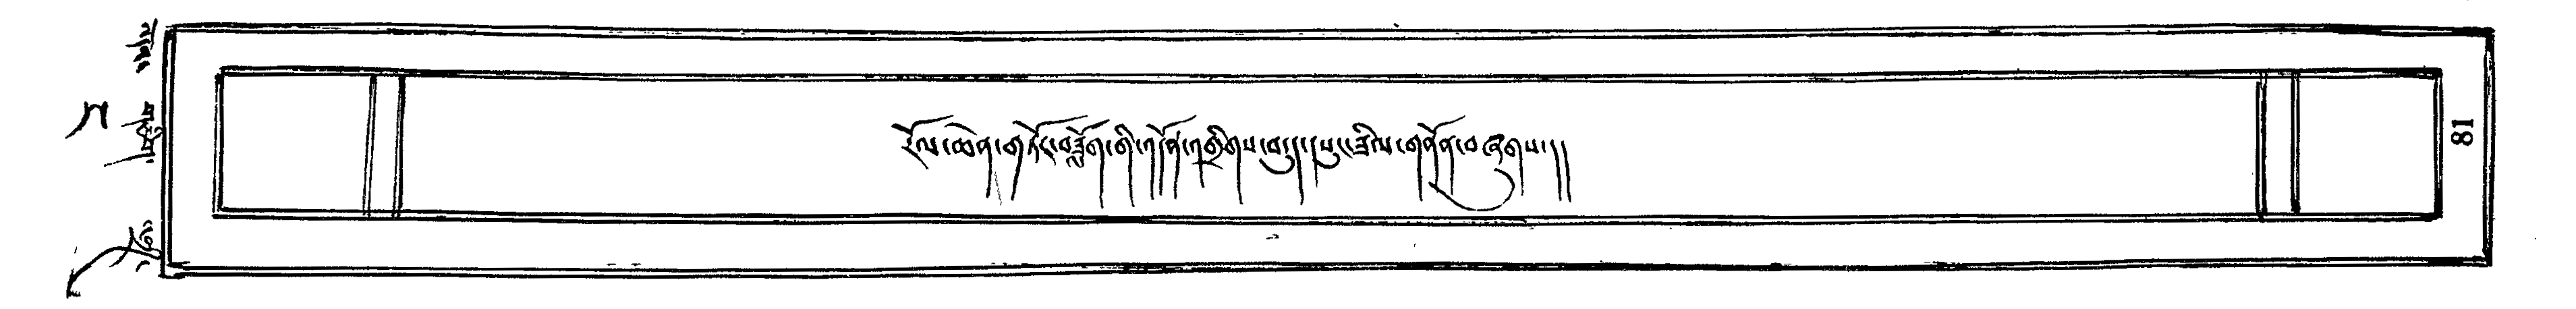༨༡༽ རོལ་ཆེན་གཏོར་ཟློག་གི་འདོན་འགྲིགས་བདུད་དཔུང་ཟིལ་གནོན་བཞུགས།།